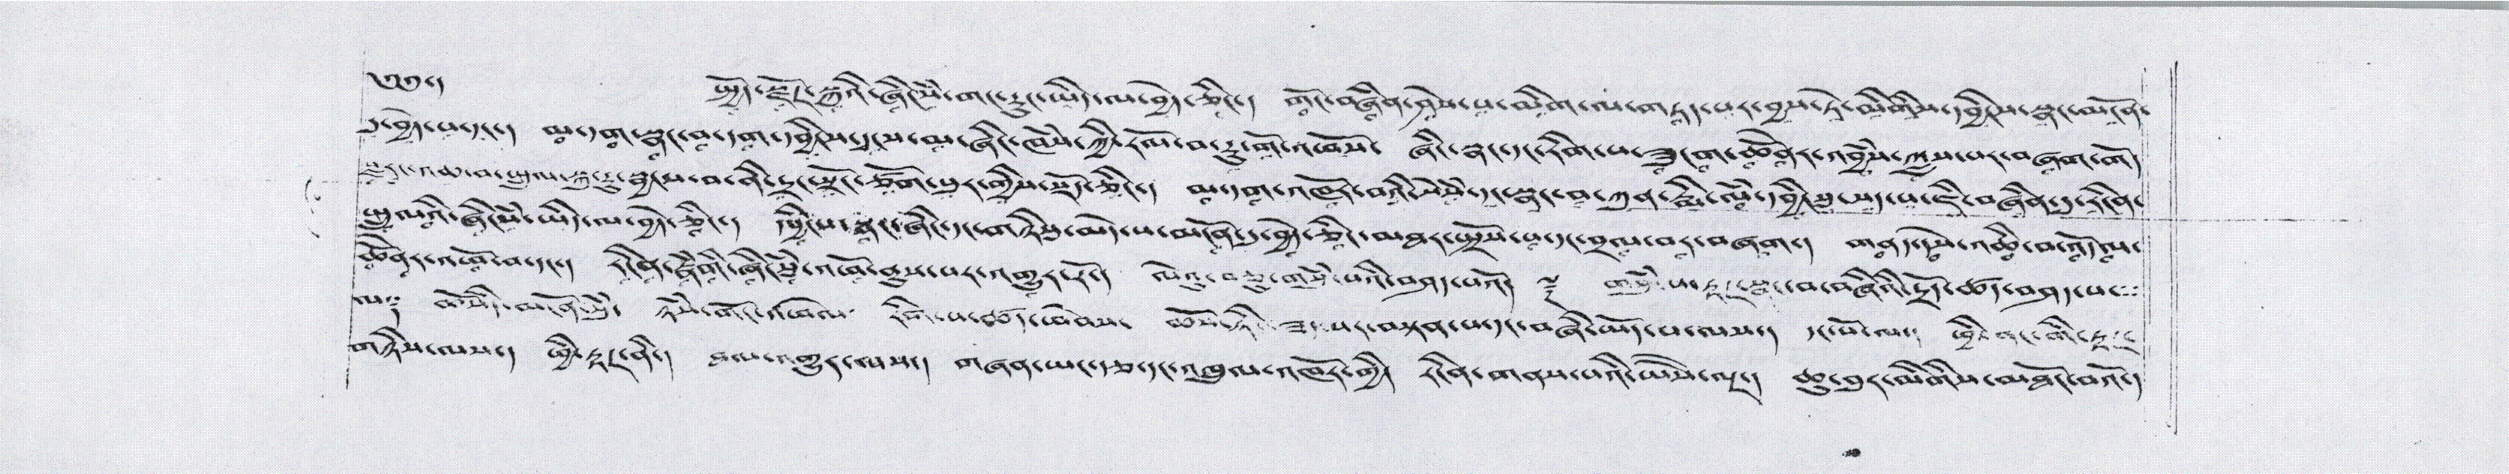སྤྱོད་རྫོགས་སྐུའི་ཞིང་ཁམས་གང་རུང་ཡིད་ལ་བྱེད་ཅིང་། གོང་བཞིན་ཤེས་པ་མིག་ལ་གཏད་པར་བྱེད་དེ་མིག་གིས་དབྱིངས་སྣང་མངོན་
དུ་བྱེད་པ་དང་། མ་དག་སྣང་བ་དག་དབྱིངས་དང་མ་ཞིང་ཁམས་ཀྱི་རོལ་པ་རུ་གོ་འཕོས། ཞིང་སྣང་དང་རིག་པ་ཟུང་འཇུག་ཆེན་པོར་འབྱམས་ཀླས་པར་བཞག་གོ 
།སླར་ཡང་འཆི་བ་སྤྲུལ་སྐུ་རུ་སྦྱང་བ་ནི། དྲང་སྲོང་ཙོག་པུར་གྱིས་སྡོད་ཅིང་། མ་དག་འཁོར་བའི་སེམས་དང་སྣང་བ་ཀུན་རྨི་ལམ་དབྱིངས་སུ་སད་པ་ཇི་བཞིན་དུ་རང་བཞིན་
སྤྲུལ་པའི་ཞིང་ཁམས་ཡིད་ལ་བྱེད་ཅིང་། དབྱིངས་སྣང་ཞིང་དང་གཉིས་སུ་མེད་པ་མངོན་དུ་བྱེད་ཅིང་མཐར་སྤྲོས་པ་དང་བྲལ་བར་བཞག གནད་དེས་འཆི་བ་འོད་གསལ་
ཆེན་པོར་འཕོ་བ་དང་རང་བཞིན་རྣམ་དག་གི་ཞིང་ཁམས་སུ་འཕོ་ནུས་པར་འགྱུར་རོ། ལེའུ་བཅུ་གསུམ་པའི་བཤད་པའོ།། ༧ གསུམ་པ་རྟགས་སྣང་བ་བཞིའི་དྲོད་ཚད་བཤད་པ་
ལ། ཆོས་ཉིད་མངོན་སུམ། ཉམས་གོང་འཕེལ། རིག་པ་ཚད་ཕེབས། ཆོས་ཉིད་ཟད་པར་བསྟན་པ་དང་བཞི་ཡོད་པ་ལས། དང་པོ་ལ་ཕྱི་ནང་གི་རྟགས་
གཉིས་ལས། ཕྱི་རྟགས་ནི་ཐལ་འགྱུར་ལས། གཞན་ཡང་རྩ་དང་འཁྲུལ་འཁོར་གྱི། རང་བཞིན་གནས་པའི་ཡེ་ཤེས་ལྔ། ཆུ་བུར་མིག་གིས་མཐོང་བའོ།